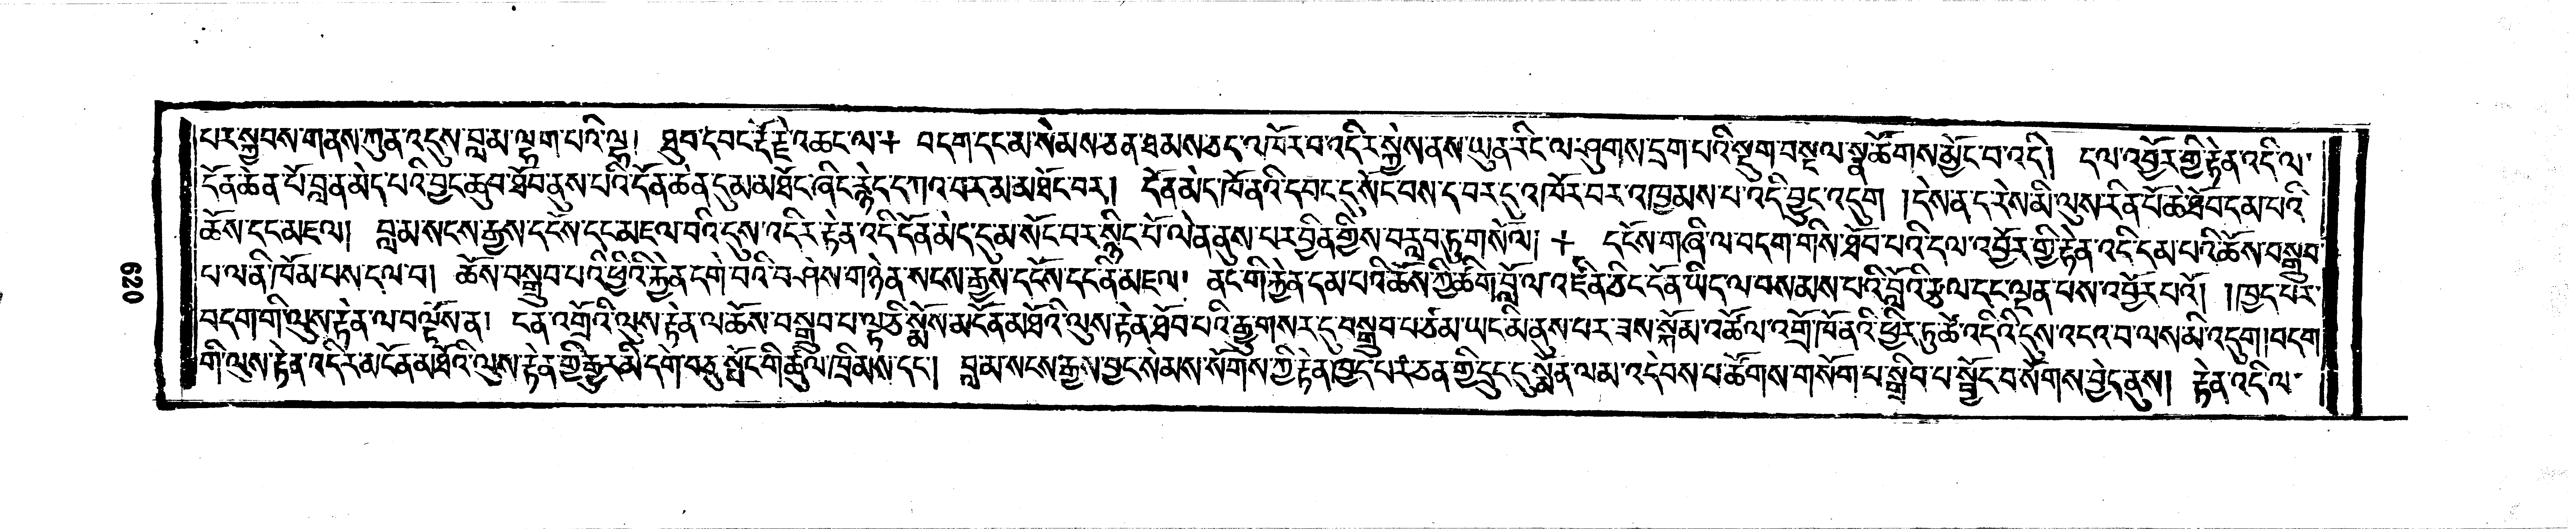པར་སྐྱབས་གནས་ཀུན་འདུས་བླ་མ་ལྷག་པའི་ལྷ། ཐུབ་དབང་རྡོ་རྗེ་འཆང་ལ་+་བདག་དང་མ་སེམས་ཅན་ཐམས་ཅད་འཁོར་བ་འདིར་སྐྱེས་ནས་ཡུན་རིང་ལ་ཤུགས་དྲག་པའི་སྡུག་བསྔལ་སྣ་ཚོགས་མྱོང་བ་འདི། དལ་འབྱོར་གྱི་རྟེན་འདི་ལ་
དོན་ཆེན་པོ་བླ་ན་མེད་པའི་བྱང་ཆུབ་ཐོབ་ནུས་པའི་དོན་ཆེན་དུ་མ་མཐོང་ཞིང་རྙེད་དཀའ་བར་མ་མཐོང་བར། དོན་མེད་ཁོ་ནའི་དབང་དུ་སོང་བས་ད་བར་དུ་འཁོར་བར་འཁྱམས་པ་འདི་བྱུང་འདུག །དེས་ན་ད་རེས་མི་ལུས་རིན་པོ་ཆེ་ཐོབ་དམ་པའི་
ཆོས་དང་མཇལ། བླ་མ་སངས་རྒྱས་དངོས་དང་མཇལ་བའི་དུས་འདིར་རྟེན་འདི་དོན་མེད་དུ་མ་སོང་བར་སྙིང་པོ་ལེན་ནུས་པར་བྱིན་གྱིས་བརླབ་ཏུ་གསོལ། +་དངོས་གཞི་ལ་བདག་གིས་ཐོབ་པའི་དལ་འབྱོར་གྱི་རྟེན་འདི་དམ་པའི་ཆོས་བསྒྲུབ་
པ་ལ་ནི་ཁོམ་པས་དལ་བ། ཆོས་བསྒྲུབ་པའི་ཕྱིའི་རྐྱེན་དགེ་བའི་བཤེས་གཉེན་སངས་རྒྱས་དངོས་དང་ནི་མཇལ་ནང་གི་རྐྱེན་དམ་པའི་ཆོས་ཀྱི་ཚིག་བློ་ལ་འཛིན་ཅིང་དོན་ཡིད་ལ་བསམས་པའི་བློའི་རྩལ་དང་ལྡན་པས་འབྱོར་པའོ། །ཁྱད་པར་
བདག་གི་ལུས་རྟེན་ལ་བལྟོས་ན། ངན་འགྲོའི་ལུས་རྟེན་ལ་ཆོས་བསྒྲུབ་པ་ལྟ་ཅི་སྨོས་མངོན་མཐོའི་ལུས་རྟེན་ཐོབ་པའི་རྒྱུ་གསར་དུ་བསྒྲུབ་པ་ཙམ་ཡང་མི་ནུས་པར་ཟས་སྐོམ་འཚོལ་འགྲོ་ཁོ་ནའི་ཕྱིར་ཏུ་ཚེ་འདིའི་དུས་འདའ་བ་ལས་མི་འདུག །བདག་
གི་ལུས་རྟེན་འདིར་མངོན་མཐོའི་ལུས་རྟེན་གྱི་རྒྱུར་མི་དགེ་བཅུ་སྤོང་གི་ཚུལ་ཁྲིམས་དང་། བླ་མ་སངས་རྒྱས་བྱང་སེམས་སོགས་ཀྱི་རྟེན་ཁྱད་པར་ཅན་གྱི་དྲུང་དུ་སྨོན་ལམ་འདེབས་པ་ཚོགས་གསོག་པ་སྒྲིབ་པ་སྦྱོང་བ་སོགས་བྱེད་ནུས། རྟེན་འདི་ལ་